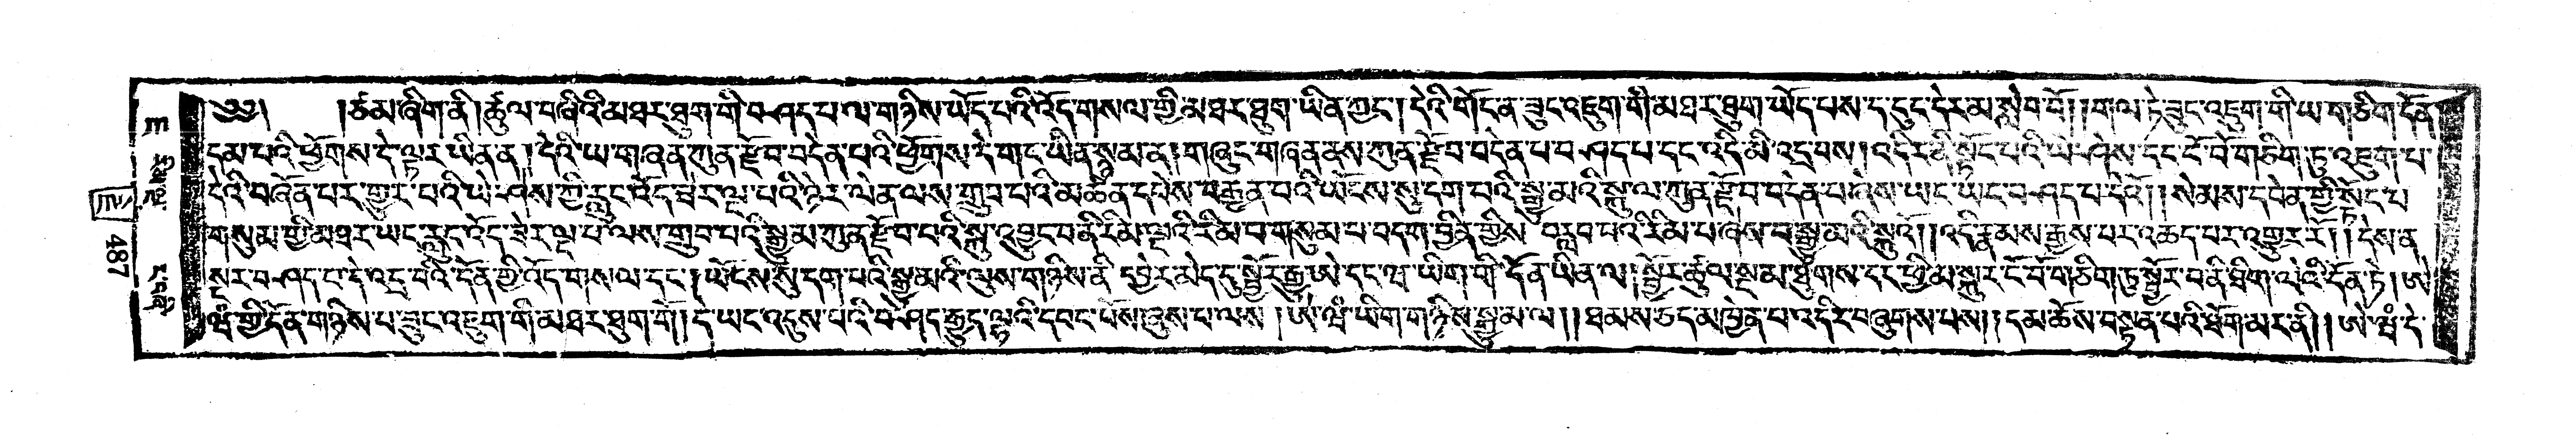༄༅། །ཙམ་ཞིག་ནི། ཚུལ་བཞིའི་མཐར་ཐུག་གི་བཤད་པ་ལ་གཉིས་ཡོད་པའི་འོད་གསལ་གྱི་མཐར་ཐུག་ཡིན་ཀྱང་། དེའི་གོང་ན་ཟུང་འཇུག་གི་མཐར་ཐུག་ཡོད་པས་ད་དུང་དེར་མ་སླེབ་བོ། །གལ་ཏེ་ཟུང་འཇུག་གི་ཡ་གཅིག་དོན་
དམ་པའི་ཕྱོགས་དེ་ལྟར་ཡིན་ན། དེའི་ཡ་གཞན་ཀུན་རྫོབ་བདེན་པའི་ཕྱོགས་དེ་གང་ཡིན་སྙམ་ན། གཞུང་གཞན་ནས་ཀུན་རྫོབ་བདེན་པ་བཤད་པ་དང་འདི་མི་འདྲ་བས། འདིར་ནི་སྟོང་པའི་ཡེ་ཤེས་དང་པོ་བོ་གཅིག་ཏུ་འཇུག་པ་
དེའི་བཞོན་པར་གྱུར་པའི་ཡེ་ཤེས་ཀྱི་རླུང་འོད་ཟེར་ལྔ་པའི་ཉེར་ལེན་ལས་གྲུབ་པའི་མཚན་དཔེས་བརྒྱན་པའི་ཡོངས་སུ་དག་པའི་སྒྱུ་མའི་སྐུ་ལ་ཀུན་རྫོབ་བདེན་པ་ཞེས་ཡང་ཡང་བཤད་པ་དེའོ། །སེམས་དབེན་གྱི་སྟོང་པ་
གསུམ་གྱི་མཐར་ཡང་རླུང་འོད་ཟེར་ལྔ་པ་ལས་གྲུབ་པའི་སྒྱུ་མ་ཀུན་རྫོབ་པའི་སྐུ་འབྱུང་བ་ནི་རིམ་ལྔའི་རིམ་པ་གསུམ་པ་བདག་བྱིན་གྱིས་བརླབ་པའི་རིམ་པ་ཞེས་པ་སྒྱུ་མའི་སྐུའོ། །འདི་རྣམས་རྒྱས་པར་འཆད་པར་འགྱུར་རོ། །དེས་ན་
སྔར་བཤད་པ་དེ་འདྲ་བའི་དོན་གྱི་འོད་གསལ་དང་། ཡོངས་སུ་དག་པའི་སྒྱུ་མའི་ལུས་གཉིས་ནི་དབྱེར་མེད་དུ་སྦྱོར་རྒྱུ་ཨེ་དང་ཝ་ཡིག་གི་དོན་ཡིན་ལ། སྦྱོར་ཚུལ་སྔ་མ་ཐུགས་དང་ཕྱི་མ་སྐུར་ངོ་བོ་གཅིག་ཏུ་སྦྱོར་བ་ནི་ཐིག་ལེའི་དོན་ཏེ། ཨེ་
ཝཾ་གྱི་དོན་གཉིས་པ་ཟུང་འཇུག་གི་མཐར་ཐུག་གོ །དེ་ཡང་འདུས་པའི་བཤད་རྒྱུད་ལྷའི་དབང་པོས་ཞུས་པ་ལས། ཨེ་ཝཾ་ཡིག་གཉིས་སྒྱུ་མ་ལ། །ཐམས་ཅད་མཁྱེན་པ་འདིར་བཞུགས་པས། །དམ་ཆོས་བསྟན་པའི་ཐོག་མར་ནི། །ཨེ་ཝཾ་དེ་